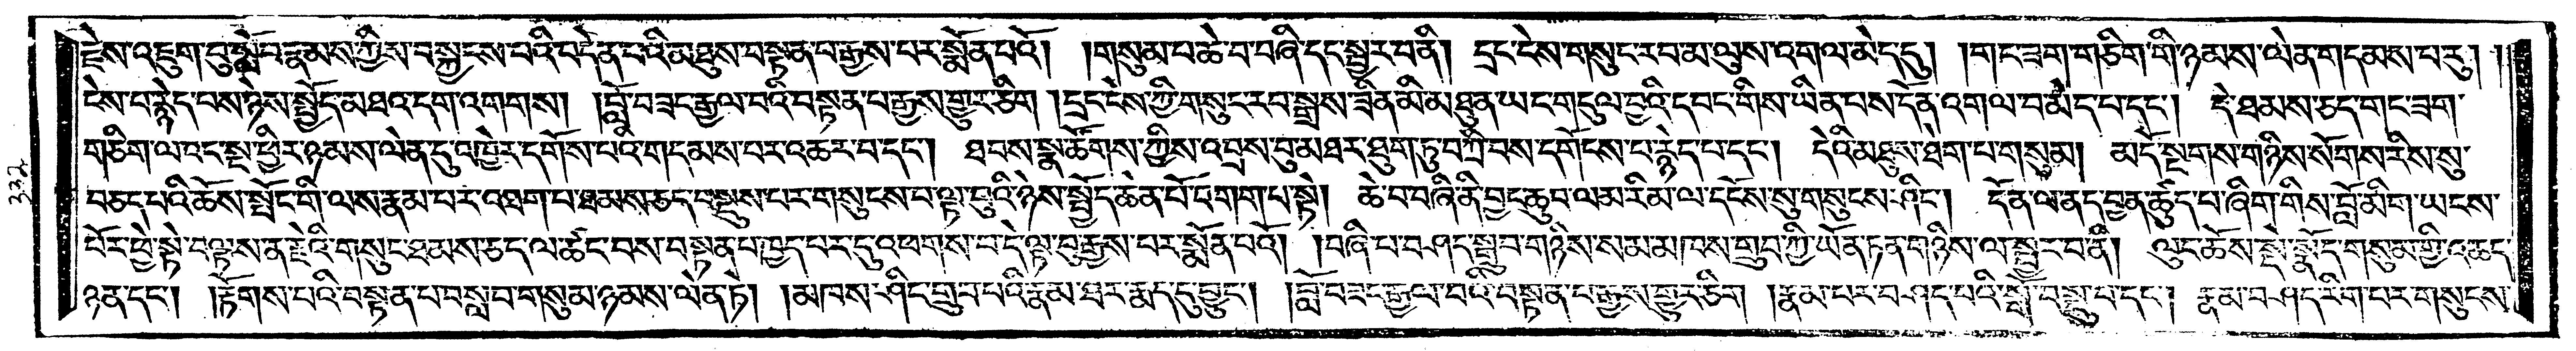རྗེས་འཇུག་བུ་སློབ་རྣམས་ཀྱིས་བསྐྱངས་པའི་བདེན་པའི་མཐུས་བསྟན་པ་རྒྱས་པར་སྨོན་པའོ། །གསུམ་པ་ཆེ་བ་བཞི་དང་སྦྱར་བ་ནི། དྲང་ངེས་གསུང་རབ་མ་ལུས་འགལ་མེད་དུ། །གང་ཟག་གཅིག་གི་ཉམས་ལེན་གདམས་པ་རུ། །
ངེས་པ་རྙེད་པས་ཉེས་སྤྱོད་མཐའ་དག་འགགས། །བློ་བཟང་རྒྱལ་བའི་བསྟན་པ་རྒྱས་གྱུར་ཅིག །དྲང་ངེས་ཀྱི་གསུང་རབ་སྒྲས་ཟིན་མི་མཐུན་ཡང་གདུལ་བྱའི་དབང་གིས་ཡིན་པས་དོན་འགལ་བ་མེད་པ་དང་། དེ་ཐམས་ཅད་གང་ཟག་
གཅིག་ལ་འང་སྔ་ཕྱིར་ཉམས་ལེན་དུ་འཁྱེར་དགོས་པའི་གདམས་པར་འཆར་བ་དང་། ཐབས་སྣ་ཚོགས་ཀྱིས་འབྲས་བུ་མཐར་ཐུག་ཏུ་བཀྲི་བས་དགོངས་པ་རྙེད་པ་དང་། དེའི་མཐུས་ཐེག་པ་གསུམ། མདོ་སྔགས་གཉིས་སོགས་རིས་སུ་
བཅད་པའི་ཆོས་སྤོང་གི་ལས་རྣམ་པར་འཐག་པ་ཐམས་ཅད་བསྡུས་པར་གསུངས་པ་ལྟ་བུའི་ཉེས་སྤྱོད་ཆེན་པོ་བགག་པ་སྟེ། ཆེ་བ་བཞི་ནི་བྱང་ཆུབ་ལམ་རིམ་ལ་དངོས་སུ་གསུངས་ཤིང་། དོན་ལན་དེ་བྱན་ཚུད་པ་ཞིག་གིས་བློ་མིག་ཡངས་
པོར་ཕྱེ་སྟེ་བལྟས་ན་རྗེའི་གསུང་ཐམས་ཅད་ལ་ཚང་བས་བསྟན་པ་ཁྱད་པར་དུ་འཕགས་པ་དེ་ལྟ་བུ་རྒྱས་པར་སྨོན་པའོ། །བཞི་པ་བཤད་སྒྲུབ་གཉིས་སམ་མཁས་གྲུབ་ཀྱི་ཡོན་ཏན་གཉིས་ལ་སྦྱར་བ་ནི། ལུང་ཆོས་སྡེ་སྣོད་གསུམ་གྱི་འཆད་
ཉན་དང་། །རྟོགས་པའི་བསྟན་པ་བསླབ་གསུམ་ཉམས་ལེན་ཏེ། །མཁས་ཤིང་གྲུབ་པའི་རྣམ་ཐར་རྨད་དུ་བྱུང་། །བློ་བཟང་རྒྱལ་བའི་བསྟན་པ་རྒྱས་གྱུར་ཅིག །རྣམ་པར་བཤད་པའི་སྒོ་བསྡུ་བ་དང་། རྣམ་བཤད་རིག་པར་གསུངས་